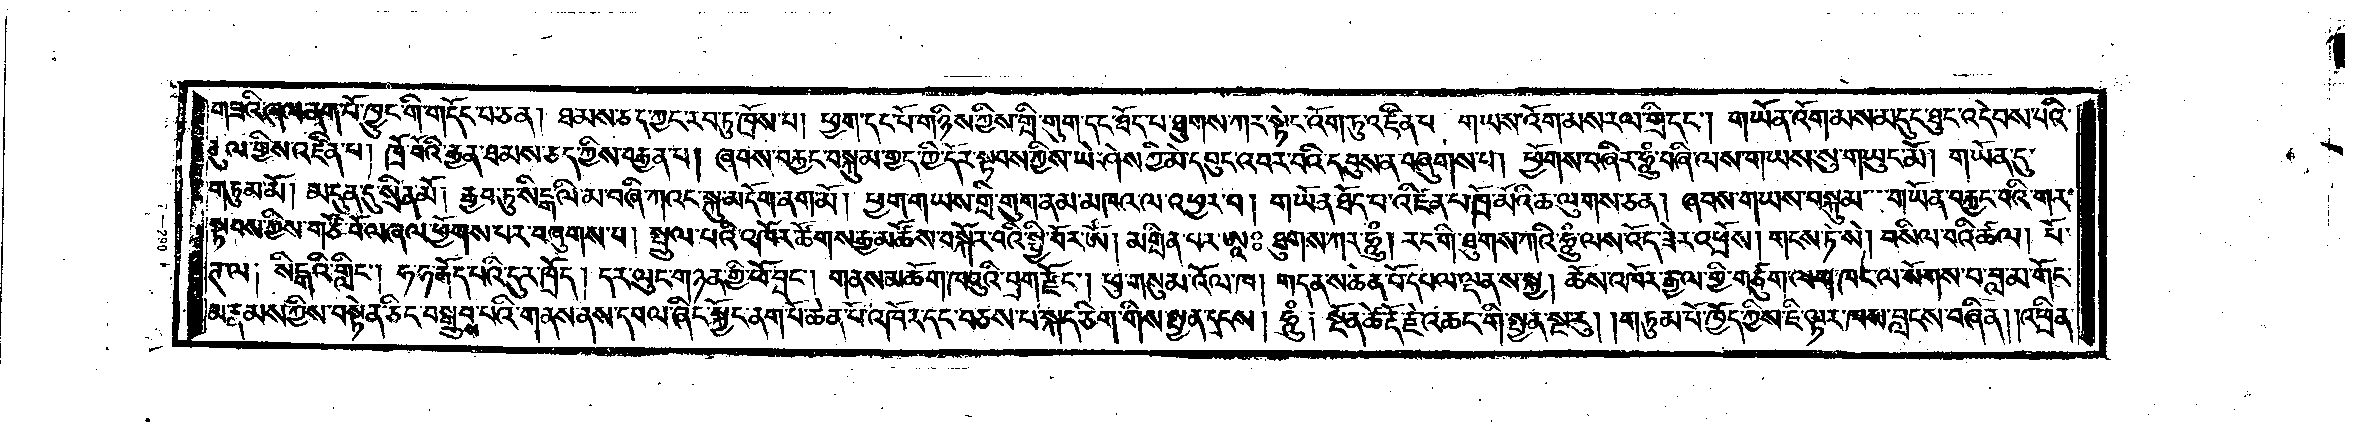གཟའི་ཞལ་ནག་པོ་ཁྱུང་གི་གདོང་པ་ཅན། ཐམས་ཅད་ཀྱང་རབ་ཏུ་ཁྲོས་པ། ཕྱག་དང་པོ་གཉིས་ཀྱིས་གྲི་གུག་དང་ཐོད་པ་ཐུགས་ཀར་སྟེང་འོག་ཏུ་འཛིན་པ། གཡས་འོག་མས་རལ་གྲི་དང་། གཡོན་འོག་མས་མདུང་ཐུང་འདེབས་པའི་
ཚུལ་གྱིས་འཛིན་པ། ཁྲོ་བོའི་རྒྱན་ཐམས་ཅད་ཀྱིས་བརྒྱན་པ། ཞབས་བརྐྱང་བསྐུམ་གྱད་ཀྱི་དོར་སྟབས་ཀྱིས་ཡེ་ཤེས་ཀྱི་མེ་དབུང་འབར་བའི་དབུས་ན་བཞུགས་པ། ཕྱོགས་བཞིར་ཧཱུཾ་བཞི་ལས་གཡས་སུ་གཡུང་མོ། གཡོན་དུ་
གཏུམ་མོ། མདུན་དུ་སྲིན་མོ། རྒྱབ་ཏུ་སིངྒ་ལི་མ་བཞི་ཀའང་སྐུ་མདོག་ནག་མོ། ཕྱག་གཡས་གྲི་གུག་ནམ་མཁའ་ལ་འཕྱར་བ། གཡོན་ཐོད་པ་འཛིན་པ་ཁྲོ་མོའི་ཆ་ལུགས་ཅན། ཞབས་གཡས་བསྐུམ་གཡོན་བརྐྱང་བའི་གར་
སྟབས་ཀྱིས་གཙོ་བོ་ལ་ཞལ་ཕྱོགས་པར་བཞུགས་པ། སྤྲུལ་བའི་འཁོར་ཚོགས་རྒྱ་མཚོས་བསྐོར་བའི་སྤྱི་བོར་ཨོཾ། མགྲིན་པར་ཨཱཿ ཐུགས་ཀར་ཧཱུཾ། རང་གི་ཐུགས་ཀའི་ཧཱུཾ་ལས་འོད་ཟེར་འཕྲོས། གངས་ཏེ་སེ། བསིལ་བའི་ཚལ། པོ་
ཊ་པ། སིངྒའི་གླིང་། ཧ་ཧ་རྒོད་པའི་དུར་ཁྲོད། དར་ལུང་གཉན་གྱི་ཕོ་བྲང་། གནས་མཆོག་ཁུའི་བྲག་རྫོང་། ཕུ་གསུམ་འོལ་ཁ། གདན་ས་ཆེན་པོ་དཔལ་ལྡན་ས་སྐྱ། ཆོས་འཁོར་རྒྱལ་གྱི་གཙུག་ལག་ཁང་ལ་སོགས་པ་བླ་མ་གོང་
མ་རྣམས་ཀྱིས་བསྟེན་ཅིང་བསྒྲུབས་པའི་གནས་ནས་དཔལ་ཞིང་སྐྱོང་ནག་པོ་ཆེན་པོ་འཁོར་དང་བཅས་པ་སྐད་ཅིག་གིས་སྤྱན་དྲངས། ཧཱུཾ༑ སྔོན་ཚེ་རྡོ་རྗེ་འཆང་གི་སྤྱན་སྔ་རུ། །གཏུམ་པོ་ཁྱོད་ཀྱིས་ཇི་ལྟར་ཁས་བླངས་བཞིན། །འཕྲིན་